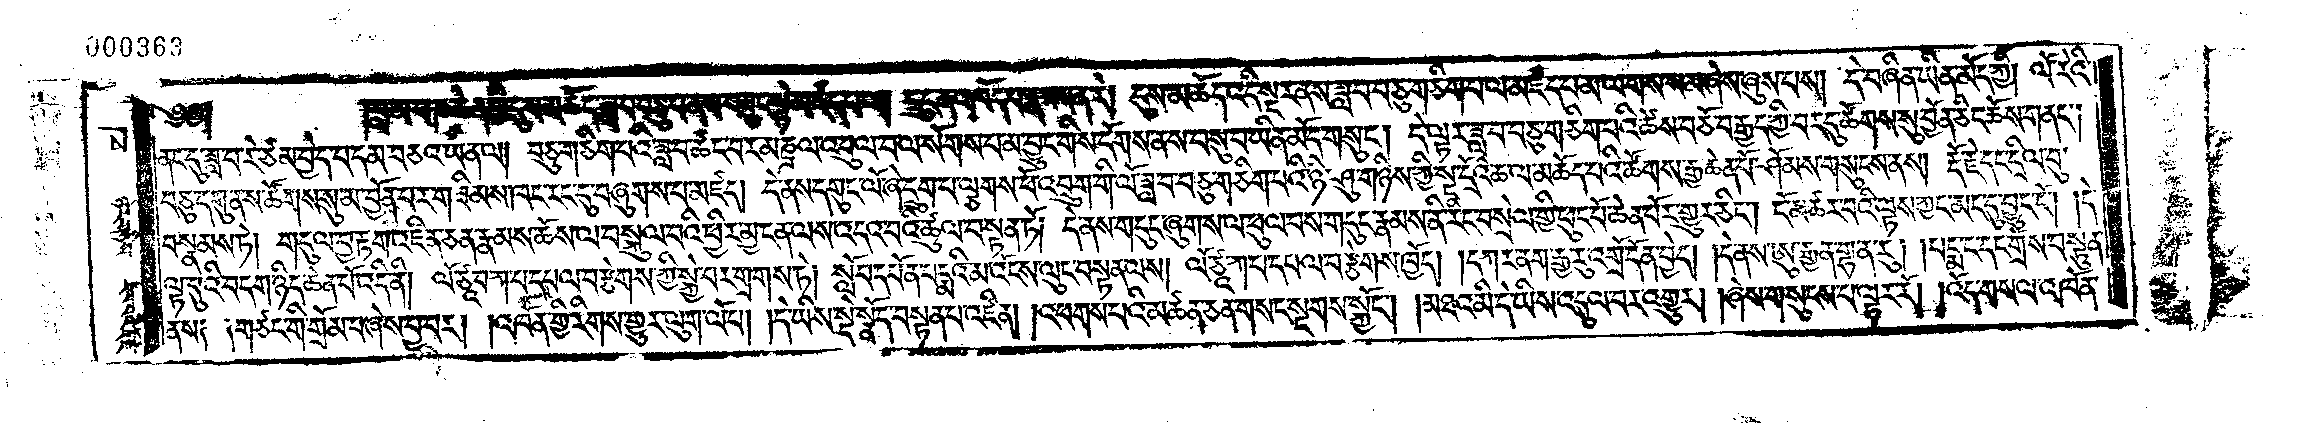༄༅། །བླ་མ་པཎ་ཆེན་གྱི་དུས་མཆོད་ཟླ་པ་བཅུ་པ་ནས་བཟུང་སྟེ་མཛད་པ་ལ། དྲུང་ན་འཁོད་པ་རྣམས་ན་རེ། དུས་མཆོད་འདི་སྔར་ནས་ཟླ་བ་བཅུ་གཅིག་པ་ལ་མཛད་པ་མ་ལགས་སམ་ཞེས་ཞུས་པས། དེ་བཞིན་ཡིན་མོད་ཀྱི། ལོ་རེའི་
ནང་དུ་ཟླ་བ་རེ་ཙམ་བྱེད་པ་དམ་བཅའ་ཡིན་ལ། བཅུ་གཅིག་བའི་ཟླ་བ་ཚང་བར་མཎྜལ་འབུལ་བ་ལ་སོགས་པ་མ་བྱུང་གིས་དོགས་ནས་བསུ་བ་ཡིན་མོད་གསུང་། དེ་ལྟར་ཟླ་བ་བཅུ་གཅིག་པའི་ཚེས་བཅོ་བརྒྱད་ཀྱི་བར་དུ་ཚོགས་སུ་བྱོན་ཅིང་ཆོས་གནང་།
བཅུ་དགུ་ནས་ཚོགས་སུམ་བྱོན་པར་གཟིམས་ཁང་རང་དུ་བཞུགས་པ་མཛད། དེ་ནས་དགུང་ལོ་ཞེ་དྲུག་པ་ལྕགས་པོ་འབྲུག་གི་ལོ་ཟླ་བ་བཅུ་གཅིག་པའི་ཉི་ཤུ་གཉིས་ཀྱི་སྔ་དྲོའི་ཆ་ལ་མཆོད་པའི་ཚོགས་རྒྱ་ཆེན་པོ་ཤོམས་གསུངས་ནས། རྡོ་རྗེ་དང་དྲིལ་བུ་
བསྣམས་ཏེ། གདུལ་བྱ་རྟག་འཛིན་ཅན་རྣམས་ཆོས་ལ་བསྐུལ་བའི་ཕྱིར་མྱ་ངན་ལས་འདའ་བའི་ཚུལ་བསྟན་ཏོ། དེ་ནས་གདུང་ཞུགས་ལ་ཕུལ་བས་གདུང་རྣམས་ནི་རིང་བསྲེལ་གྱི་ཕུང་པོ་ཆེན་པོར་གྱུར་ཅིང་། ངོ་མཚར་བའི་ལྟས་ཀྱང་མང་དུ་བྱུང་ངོ། །དེ་
ལྟ་བུའི་བདག་ཉིད་ཆེན་པོ་འདི་ནི། ལོ་ཙཱ་བ་ཀ་པ་དཔལ་བརྩེགས་ཀྱི་སྐྱེ་བར་གྲགས་ཏེ། སློབ་དཔོན་པདམའི་མ་འོངས་ལུང་བསྟན་ལས། ལོ་ཙཱ་ཀ་པ་དཔལ་བརྩེགས་ཁྱོད། །དཀར་ནག་རྒྱ་རུ་འགྲོ་དོན་བྱེད། །དེ་ནས་ཨུ་རྒྱན་གྷ་ན་རུ། །པདམ་དང་གྲོས་བསྟན་
ནས༑ ༑གཙང་གི་གྲོམ་པ་ཞེས་བྱ་བར། །འཁོན་གྱི་རིགས་གྱུར་ལུག་ལོ་བ། །དེ་ཡིས་སྡེ་སྣོད་བསྟན་པ་འཛིན། །འཕགས་པའི་མཚན་ཅན་གསང་སྔགས་སྐྱོང་། །མཐའ་མི་དེ་ཡིས་འདུལ་བར་འགྱུར། །ཞེས་གསུངས་པ་ལྟར་རོ། །འོད་གསལ་འཁོན་